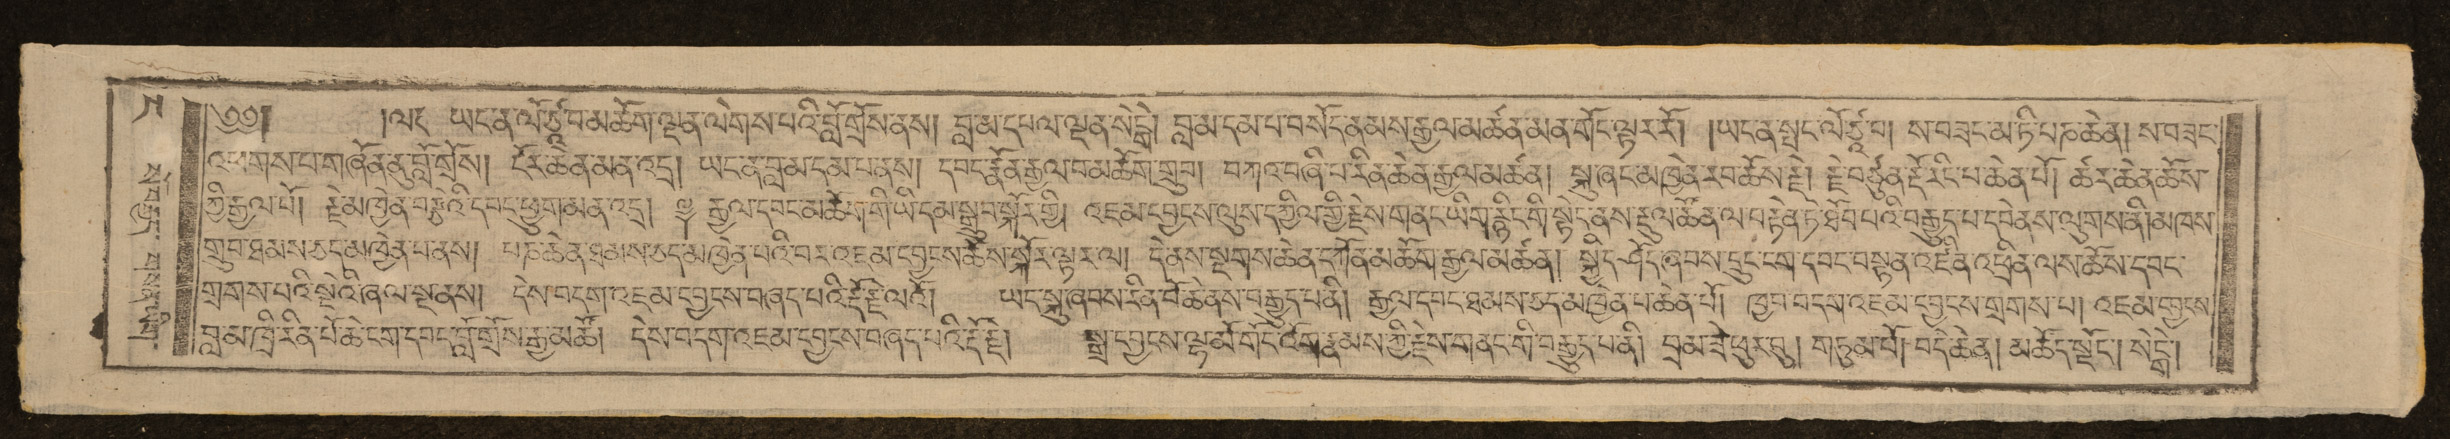༄༅། །ལ༑ ཡང་ན་ལོ་ཙཱ་བ་མཆོག་ལྡན་ལེགས་པའི་བློ་གྲོས་ནས། བླ་མ་དཔལ་ལྡན་སེངྒེ། བླ་མ་དམ་པ་བསོད་ནམས་རྒྱལ་མཚན་མན་གོང་ལྟར་རོ། །ཡང་ན་སྤང་ལོ་ཙཱ་བ། ས་བཟང་མ་ཏི་པཎ་ཆེན། ས་བཟང་
འཕགས་པ་གཞོན་ནུ་བློ་གྲོས། ངོར་ཆེན་མན་འདྲ། ཡང་ན་བླ་མ་དམ་པ་ནས། དབང་རྣོན་རྒྱལ་བ་མཆོག་གྲུབ། བཀའ་བཞིན་པ་རིན་ཆེན་རྒྱལ་མཚན། སྐུ་ཞང་མཁྱེན་རབ་ཆོས་རྗེ། རྗེ་བཙུན་རྡོ་རིང་པ་ཆེན་པོ། ཚར་ཆེན་ཆོས་
ཀྱི་རྒྱལ་པོ། རྗེ་མཁྱེན་བརྩིའི་དབང་ཕྱུག་མན་འདྲ། ༈ རྒྱལ་དབང་མཆོག་གི་ཡི་དམ་སྒྲུབ་སྐོར་གྱི། འཇམ་དབྱངས་ལུས་དཀྱིལ་ཀྱི་རྗེས་གནང་ཡིག་རྙིང་གི་སྟེང་ནས་རྡུལ་ཚོན་ལ་བརྟེན་ཏེ་ཐོབ་པའི་བརྒྱུད་པ་དབེན་ས་ལུགས་ནི། མཁས་
གྲུབ་ཐམས་ཅད་མཁྱེན་པ་ནས། པཎ་ཆེན་ཐམས་ཅད་མཁྱེན་པའི་བར་འཇམ་དབྱངས་ཆོས་སྐོར་ལྟར་ལ། རིན་པ་སྔགས་ཆེན་དཀོན་མཆོག་རྒྱལ་མཚན། སྐྱིད་ཤོད་ཞབས་དྲུང་ངག་དབང་བསྟན་འཛིན་འཕྲིན་ལས་ཆོས་དབང་
གྲགས་པའི་སྡེའི་ཞལ་སྔ་ནས། དེས་བདག་འཇམ་དབྱངས་བཞད་པའི་རྡོ་རྗེ་ལའོ། ཡང་སྐུ་ཞབས་རིན་པོ་ཆེ་ནས་བརྒྱུད་པ་ནི། རྒྱལ་དབང་ཐམས་ཅད་མཁྱེན་པ་ཆེན་པོ། ཁྱབ་བ་དག་འཇམ་དབྱངས་གྲགས་པ། འཇམ་དབྱངས་
བླ་མ་ཁྲི་རིན་པོ་ཆེ་ངག་དབང་བློ་གྲོས་རྒྱ་མཚོ། དེས་བདག་འཇམ་དབྱངས་བཞད་པའི་རྡོ་རྗེ། སྒྲ་དབྱངས་ལྷ་མོ་གོང་འོག་རྣམས་ཀྱི་རྗེས་གནང་གི་བརྒྱུད་པ་ནི། བྲམ་ཟེ་ཕུར་བུ། གཏུམ་པོ། བདེ་ཆེན། མཆོད་སྡོང་། སེངྒེ།